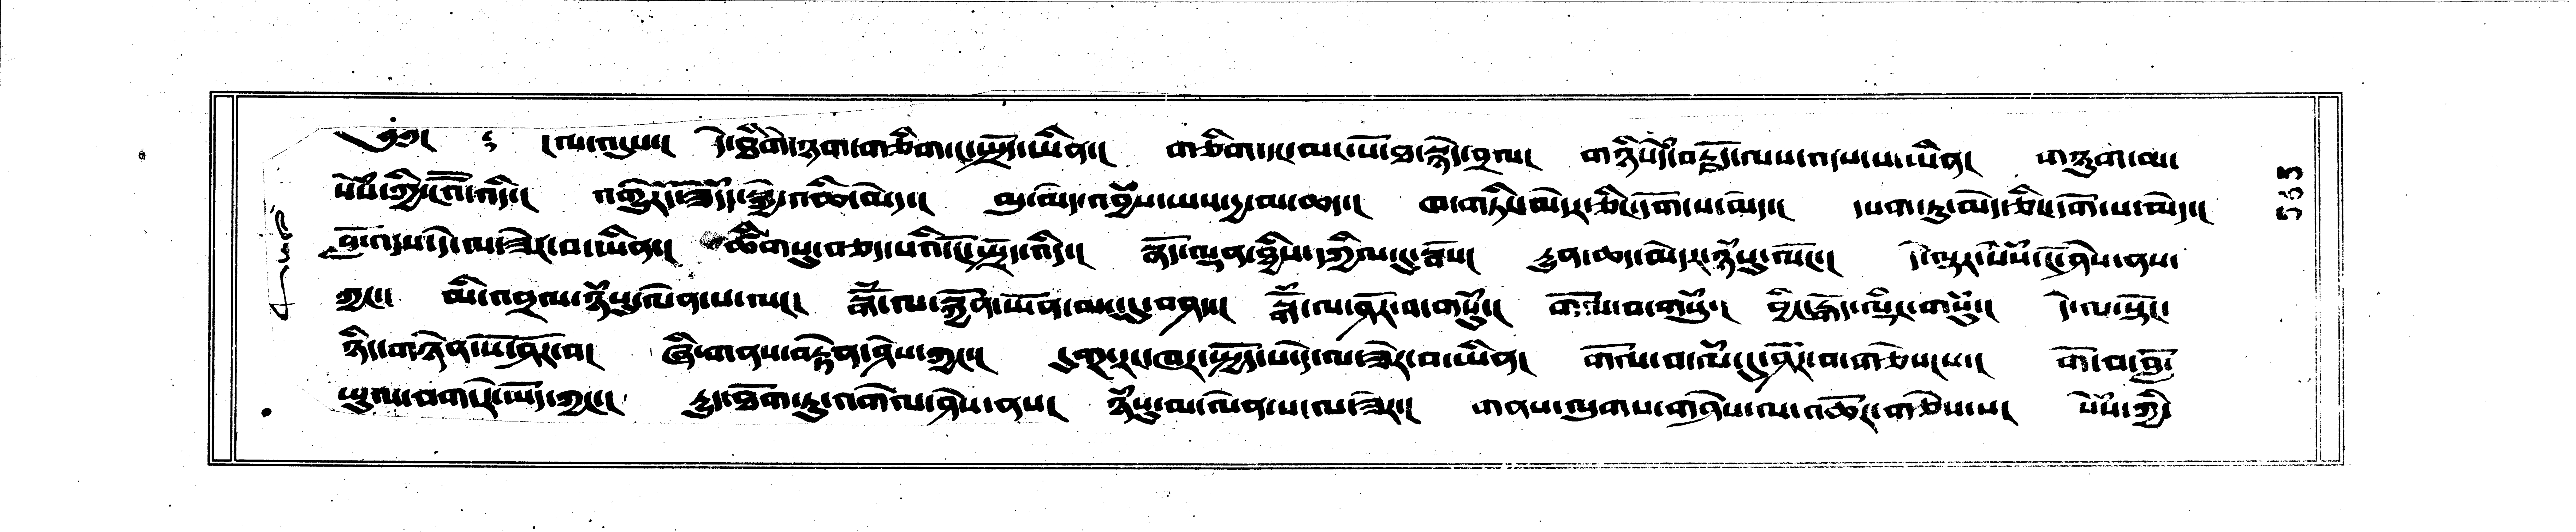ལ་འདུས། དེ་ཐིག་ལེ་ཉག་ཅིག་ངོ་སྤྲོད་ཡིན། ཅིག་དང་མང་པོ་ཐ་སྙད་བྲལ། གཉིས་མེད་བརྗོད་ལས་འདས་པ་ཡིན། གཉུགས་མ་
སེམས་ཀྱི་ངོའོ་འདི། འགྱུར་མེད་ཟད་མེད་སྐྱེ་འཆི་མེད། མུ་མེད་འབྱམས་ཡས་རྒྱ་མ་ཆད། ཁ་གཏིང་མེད་ཅིང་དོག་པ་མེད། དཔག་ཏུ་མེད་ཅིང་བརྗོད་དུ་མེད། 
བློ་འདས་དེ་ལ་ཟེར་བ་ཡིན། ཚིགས་སུ་བཅད་པའི་ངོ་སྤྲོད་འདི། སྣོད་ལྡན་ཐུགས་ཀྱི་དཀྱིལ་དུ་སྦོས། རྒྱུན་ཆད་མེད་པར་ཉམས་སུ་ལོངས། དེ་ལྟར་སེམས་ངོ་ཤེས་ནས་
ཀྱང་། མི་འབྲལ་ཉམས་སུ་ལེན་པ་ལ། སྒོམ་ལ་སྐྱོན་ཡོན་མང་དུ་བཤད། སྒོམ་ལ་ཤོར་བ་གསུམ། གོལ་བ་གསུམ། བྱིང་རྒོད་ལྡིང་གསུམ། དེ་ལ་སྟོང་
ཉིད་གཉེན་པོར་ཤོར། ཞི་གནས་བརྟེན་ཤེས་ཀྱང། དུག་ལྔ་རང་ཁར་སྤྱོད་པ་དེ་ལ་ཟེར་བ་ཡིན། གོལ་བ་ལམ་དུ་ཤོར་གཅེས་༼ཞེས༽པ། གོལ་བ་བློ་
ཡུལ་བག་རེ་ཡོད་ཀྱང་། རྒྱུད་ཐོག་ཏུ་འགེལ་མི་ཤེས་ནས། ཉམས་སུ་མི་ལེན་པ་ལ་ཟེར། གནས་ལུགས་གཤིས་ལ་ཤོར་གཅེས་༼ཞེས༽པ། སེམས་ཀྱི་